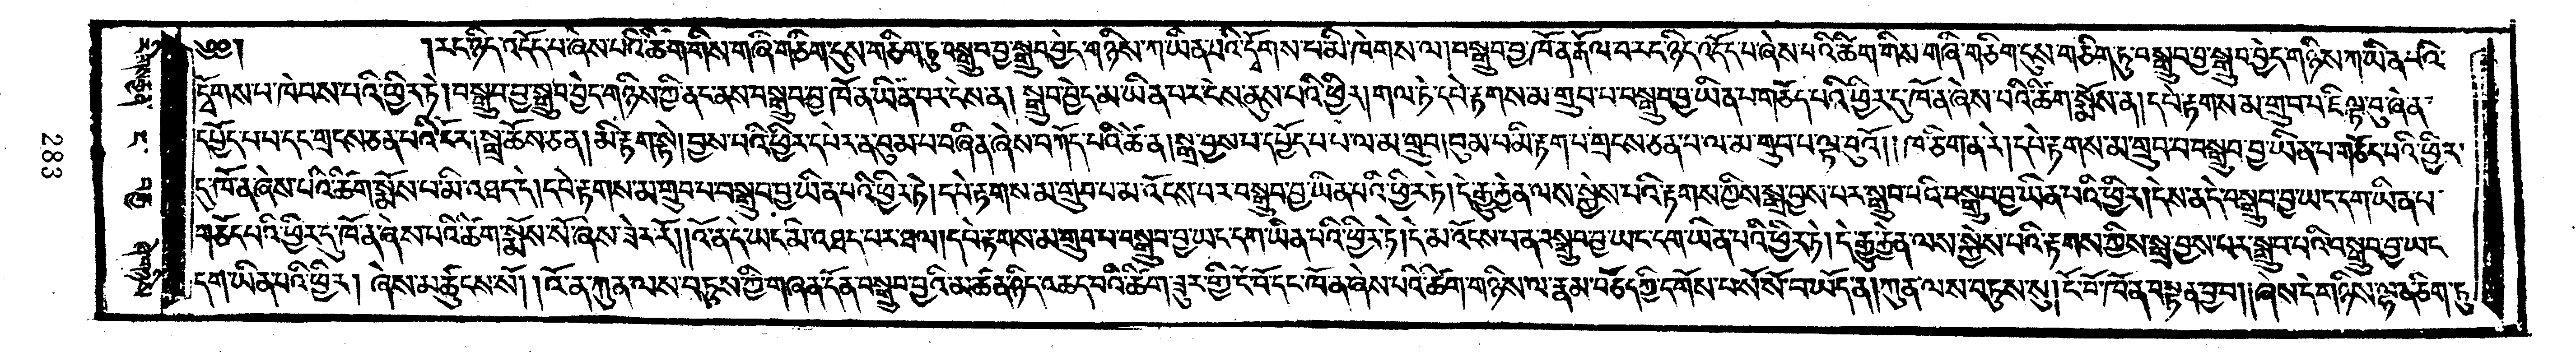༄༅། །རང་ཉིད་འདོད་པ་ཞེས་པའི་ཚིག་གིས་གཞི་གཅིག་དུས་གཅིག་ཏུ་བསྒྲུབ་བྱ་སྒྲུབ་བྱེད་གཉིས་ཀ་ཡིན་པའི་དྭོགས་པ་མི་ཁེགས་ལ། བསྒྲུབ་བྱ་ཁོ་ན་རྒོལ་བ་རང་ཉིད་འདོད་པ་ཞེས་པའི་ཚིག་གིས་གཞི་གཅིག་དུས་གཅིག་ཏུ་བསྒྲུབ་བྱ་སྒྲུབ་བྱེད་གཉིས་ཀ་ཡིན་པའི་
དྭོགས་པ་ཁེབས་པའི་ཕྱིར་ཏེ། བསྒྲུབ་བྱ་སྒྲུབ་བྱེད་གཉིས་ཀྱི་ནང་ནས་བསྒྲུབ་བྱ་ཁོ་ན་ཡིན་པར་ངེས་ན། སྒྲུབ་བྱེད་མ་ཡིན་པར་ངེས་ནུས་པའི་ཕྱིར། གལ་ཏེ་དཔེ་རྟགས་མ་གྲུབ་པ་བསྒྲུབ་བྱ་ཡིན་པ་གཅད་པའི་ཕྱིར་དུ་ཁོ་ན་ཞེས་པའི་ཚིག་སྨོས་ན། དཔེ་རྟགས་མ་གྲུབ་པ་ཇི་ལྟ་བུ་ཞེ་ན།
དཔྱོད་པ་བ་དང་གྲངས་ཅན་པའི་ངོར། སྒྲ་ཆོས་ཅན། མི་རྟག་སྟེ། བྱས་པའི་ཕྱིར་དཔེར་ན་བུམ་པ་བཞིན་ཞེས་བཀོད་པའི་ཚེ་ན། སྒྲ་བྱས་པ་དཔྱོད་པ་པ་ལ་མ་གྲུབ། བུམ་པ་མི་རྟག་པ་གྲངས་ཅན་པ་ལ་མ་གྲུབ་པ་ལྟ་བུའོ། །ཁ་ཅིག་ན་རེ། དཔེ་རྟགས་མ་གྲུབ་པ་བསྒྲུབ་བྱ་ཡིན་པ་གཅད་པའི་ཕྱིར་
དུ་ཁོ་ན་ཞེས་པའི་ཚིག་སྨོས་པ་མི་འཐད་དེ། དཔེ་རྟགས་མ་གྲུབ་པ་བསྒྲུབ་བྱ་ཡིན་པའི་ཕྱིར་ཏེ། དཔེ་རྟགས་མ་གྲུབ་པ་མ་འོངས་པ་ན་བསྒྲུབ་བྱ་ཡིན་པའི་ཕྱིར་ཏེ། དེ་རྒྱུ་རྐྱེན་ལས་སྐྱེས་པའི་རྟགས་ཀྱིས་སྒྲ་བྱས་པར་སྒྲུབ་པའི་བསྒྲུབ་བྱ་ཡིན་པའི་ཕྱིར། དེས་ན་དེ་བསྒྲུབ་བྱ་ཡང་དག་ཡིན་པ་
གཅད་པའི་ཕྱིར་དུ་ཁོ་ན་ཞེས་པའི་ཚིག་སྨོས་སོ་ཞེས་ཟེར་རོ། །འོ་ན་དེ་ཡང་མི་འཐད་པར་ཐལ། དཔེ་རྟགས་མ་གྲུབ་པ་བསྒྲུབ་བྱ་ཡང་དག་ཡིན་པའི་ཕྱིར་ཏེ། དེ་མ་འོངས་པ་ན་བསྒྲུབ་བྱ་ཡང་དག་ཡིན་པའི་ཕྱིར་ཏེ། དེ་རྒྱུ་རྐྱེན་ལས་སྐྱེས་པའི་རྟགས་ཀྱིས་སྒྲ་བྱས་པར་སྒྲུབ་པའི་བསྒྲུབ་བྱ་ཡང་
དག་ཡིན་པའི་ཕྱིར། ཞེས་མཚུངས་སོ། །འོ་ན་ཀུན་ལས་བཏུས་ཀྱི་གཞན་དོན་བསྒྲུབ་བྱའི་མཚན་ཉིད་འཆད་པའི་ཚིག་ཟུར་གྱི་ངོ་བོ་དང་ཁོ་ན་ཞེས་པའི་ཚིག་གཉིས་ལ་རྣམ་བཅད་ཀྱི་དགོས་པ་སོ་སོ་བ་ཡོད་ན། ཀུན་ལས་བཏུས་སུ། ངོ་བོ་ཁོ་ན་བསྟན་བྱ་བ། །ཞེས་དེ་གཉིས་ལྷན་ཅིག་ཏུ་